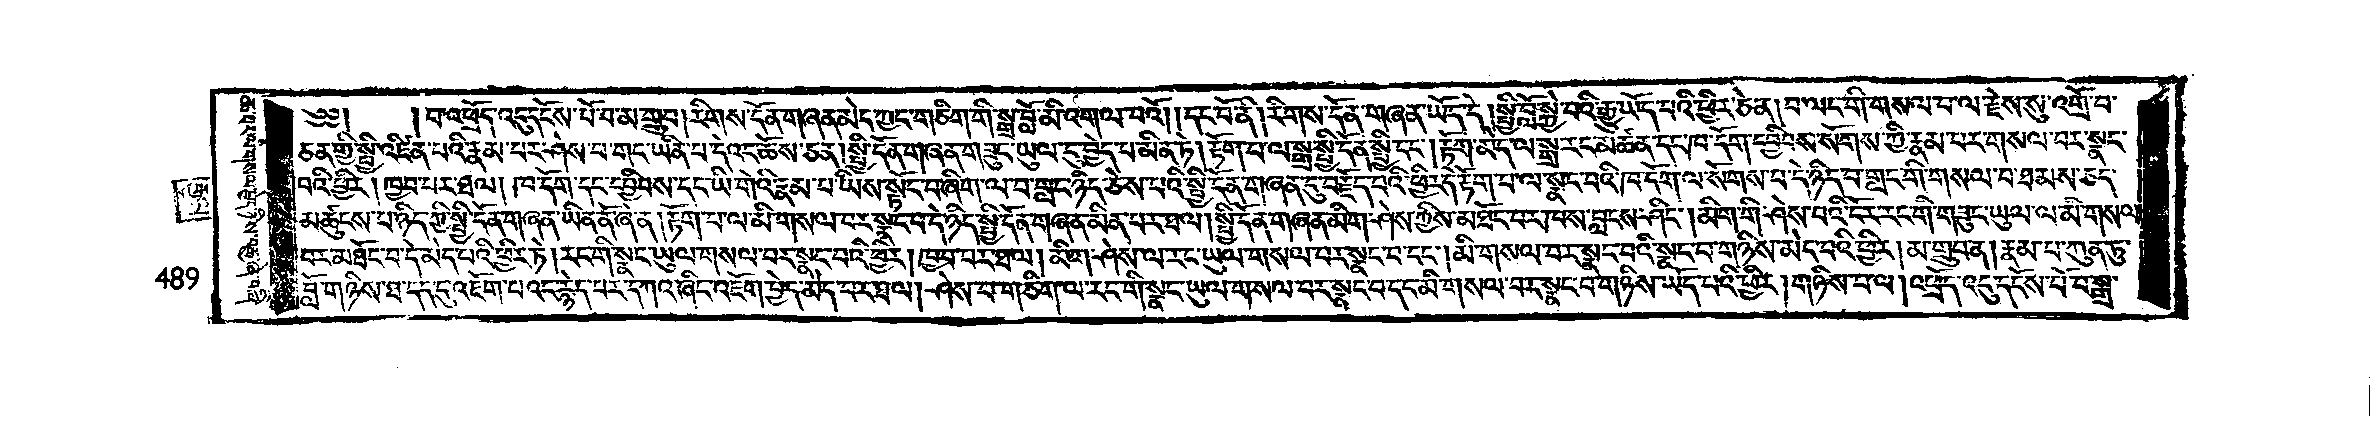༄༅། །བ་འཕྲོད་འདུ་དངོས་པོ་བ་མ་གྲུབ། རིགས་དོན་གཞན་མེད་ཀྱང་གཅིག་གི་སྒྲ་བློ་མི་འགལ་བའོ། །དང་པོ་ནི། རིགས་དོན་གཞན་ཡོད་དེ། སྤྱི་བློ་སྐྱེ་བའི་རྒྱུ་ཡོད་པའི་ཕྱིར་ཅེ་ན། བ་ལང་གི་གསལ་བ་ལ་རྗེས་སུ་འགྲོ་བ་
ཅན་གྱི་སྤྱི་འཛིན་པའི་རྣམ་པར་ཤེས་པ་གང་ཡིན་པ་དེའང་ཆོས་ཅན། སྤྱི་དོན་གཞན་གཟུང་ཡུལ་དུ་བྱེད་པ་མིན་ཏེ། རྟོག་པ་ལ་སྒྲ་སྤྱི་དོན་སྤྱི་དང་། རྟོག་མེད་ལ་སྒྲ་རང་མཚན་དང་ཁ་དོག་དབྱིབས་སོགས་ཀྱི་རྣམ་པར་གསལ་བར་སྣང་
བའི་ཕྱིར། ཁྱབ་པར་ཐལ། ཁ་དོག་དང་དབྱིབས་དང་ཡི་གེའི་རྣམ་པ་ཡིས་སྟོང་པ་ཞིག་ལ་བ་གླང་ཉིད་ཅེས་པའི་སྤྱི་དོན་གཞན་དུ་བརྗོད་པའི་ཕྱིར་ཏེ་རྟོག་པ་ལ་སྣང་བའི་ཁ་དོག་ལ་སོགས་པ་དེ་ཉིད་བ་གླང་གི་གསལ་བ་ཐམས་ཅད་
མཚུངས་པ་ཉིད་ཀྱི་སྤྱི་དོན་གཞན་ཡིན་ནོ་ཞེ་ན། རྟོག་པ་ལ་མི་གསལ་བར་སྣང་བ་དེ་ཉིད་སྤྱི་དོན་གཞན་མིན་པར་ཐལ། སྤྱི་དོན་གཞན་མིག་ཤེས་ཀྱིས་མཐོང་བར་ཁས་བླངས་ཤིང་། མིག་གི་ཤེས་པའི་ངོར་རང་གི་གཟུང་ཡུལ་ལ་མི་གསལ་
བར་མཐོང་བ་དེ་མེད་པའི་ཕྱིར་ཏེ། རང་གི་སྣང་ཡུལ་གསལ་བར་སྣང་བའི་ཕྱིར། ཁྱབ་པར་ཐལ། མིག་ཤེས་ལ་རང་ཡུལ་གསལ་བར་སྣང་བ་དང་། མི་གསལ་བར་སྣང་བའི་སྣང་བ་གཉིས་མེད་པའི་ཕྱིར། མ་གྲུབ་ན། རྣམ་པ་ཀུན་ཏུ་
བློ་གཉིས་ཐ་དད་དུ་འཇོག་པའང་རྙེད་པར་དཀའ་ཞིང་འཇོག་བྱེད་མེད་པར་ཐལ། ཤེས་པ་གཅིག་ལ་རང་གི་སྣང་ཡུལ་གསལ་བར་སྣང་བ་དང་མི་གསལ་བར་སྣང་བ་གཉིས་ཡོད་པའི་ཕྱིར། གཉིས་པ་ལ། འཕྲོད་འདུ་དངོས་པོ་བ་སྒྲ་